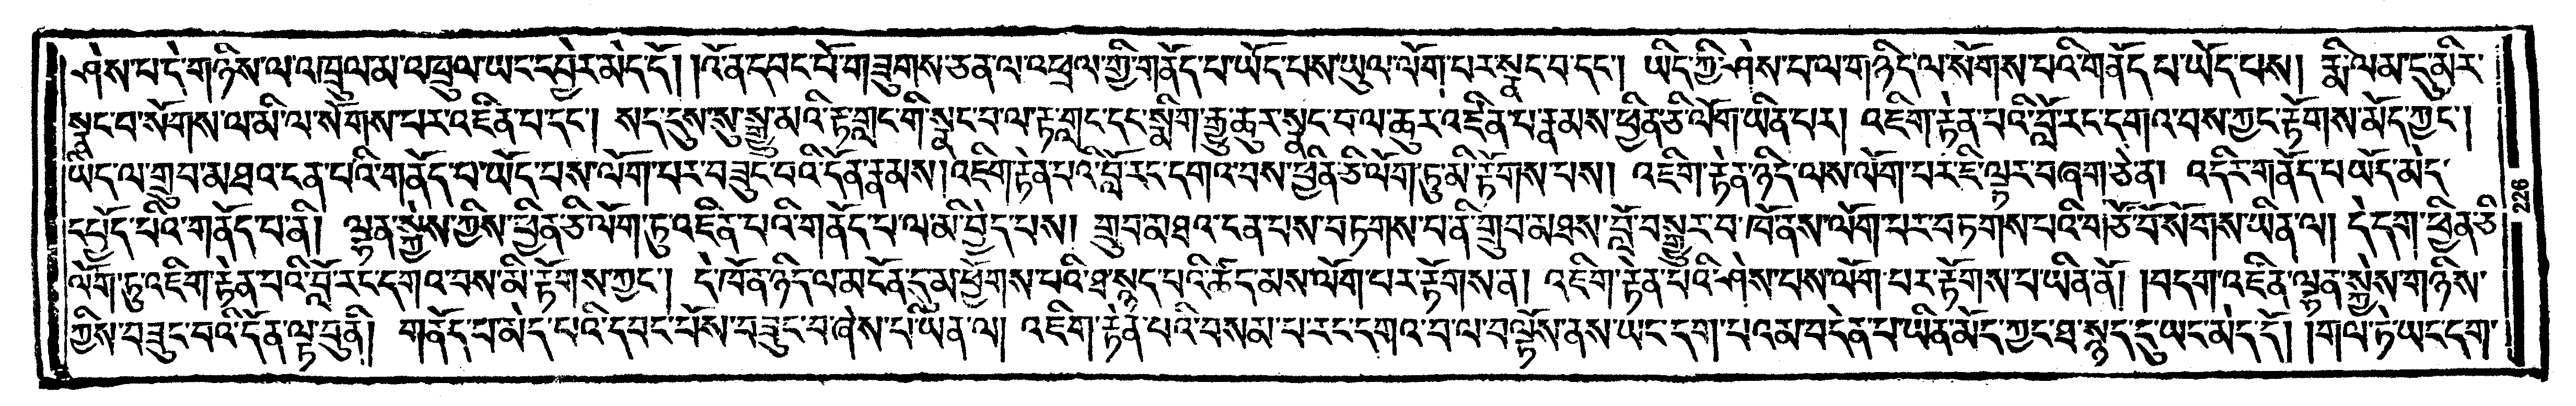ཤེས་པ་དེ་གཉིས་ལ་འཁྲུལ་མ་འཁྲུལ་ཡང་དབྱེར་མེད་དོ། །འོ་ན་དབང་པོ་གཟུགས་ཅན་ལ་འཕྲལ་གྱི་གནོད་པ་ཡོད་པས་ཡུལ་ལོག་པར་སྣང་བ་དང་། ཡིད་ཀྱི་ཤེས་པ་ལ་གཉིད་ལ་སོགས་པའི་གནོད་པ་ཡོད་པས། རྨི་ལམ་དུ་མིར་
སྣང་བ་སོགས་ལ་མི་ལ་སོགས་པར་འཛིན་པ་དང་། སད་དུས་སུ་སྒྱུ་མའི་རྟ་གླང་གི་སྣང་བ་ལ་རྟ་གླང་དང་སྨིག་རྒྱུ་ཆུར་སྣང་བ་ལ་ཆུར་འཛིན་པ་རྣམས་ཕྱིན་ཅི་ལོག་ཡིན་པར། འཇིག་རྟེན་པའི་བློ་རང་དགའ་བས་ཀྱང་རྟོགས་མོད་ཀྱང་།
ཡིད་ལ་གྲུབ་མཐའ་ངན་པའི་གནོད་པ་ཡོད་པས་ལོག་པར་བཟུང་བའི་དོན་རྣམས། འཇིག་རྟེན་པའི་བློ་རང་དགའ་བས་ཕྱིན་ཅི་ལོག་ཏུ་མི་རྟོགས་པས། འཇིག་རྟེན་ཉིད་ལས་ལོག་པར་ཇི་ལྟར་བཞག་ཅེ་ན། འདིར་གནོད་པ་ཡོད་མེད་
དཔྱོད་པའི་གནོད་པ་ནི། ལྷན་སྐྱེས་ཀྱིས་ཕྱིན་ཅི་ལོག་ཏུ་འཛིན་པའི་གནོད་པ་ལ་མི་བྱེད་པས། གྲུབ་མཐའ་ངན་པས་བཏགས་པ་ནི་གྲུབ་མཐས་བློ་བསྒྱུར་བ་ཁོ་ནས་ལོག་པར་བཏགས་པའི་གཙོ་བོ་སོགས་ཡིན་ལ། དེ་དག་ཕྱིན་ཅི་
ལོག་ཏུ་འཇིག་རྟེན་པའི་བློ་རང་དགའ་བས་མི་རྟོགས་ཀྱང་། དེ་ཁོ་ན་ཉིད་ལ་མངོན་དུ་མ་ཕྱོགས་པའི་ཐ་སྙད་པའི་ཚད་མས་ལོག་པར་རྟོགས་ན། འཇིག་རྟེན་པའི་ཤེས་པས་ལོག་པར་རྟོགས་པ་ཡིན་ནོ། །བདག་འཛིན་ལྷན་སྐྱེས་གཉིས་
ཀྱིས་བཟུང་བའི་དོན་ལྟ་བུ་ནི། གནོད་པ་མེད་པའི་དབང་པོས་བཟུང་བ་ཞེས་པ་ཡིན་ལ། འཇིག་རྟེན་པའི་བསམ་པ་རང་དགའ་བ་ལ་བལྟོས་ནས་ཡང་དག་པའམ་བདེན་པ་ཡིན་མོད་ཀྱང་ཐ་སྙད་དུ་ཡང་མེད་དོ། །གལ་ཏེ་ཡང་དག་